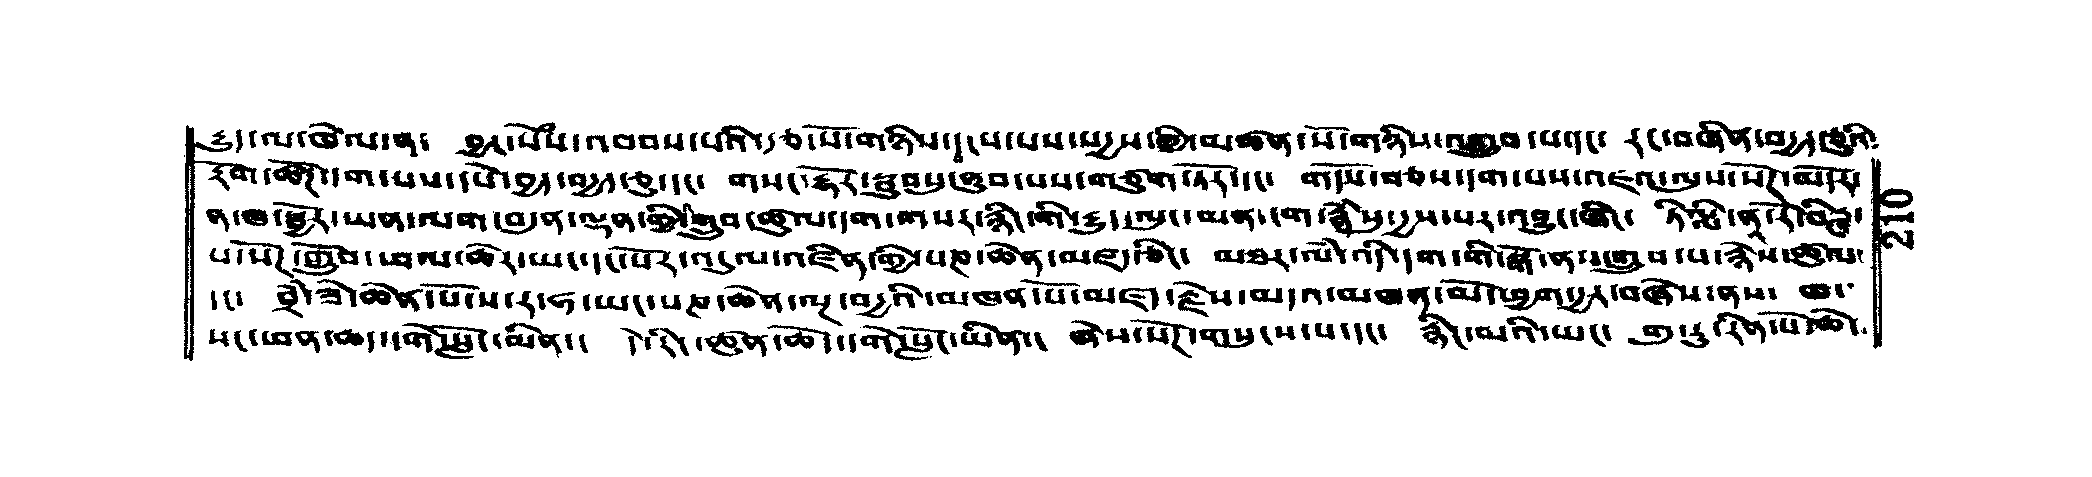རྒྱུད་ལ་ཁེལ་ན། བྱང་སེམས་འབབ་པའི་རྩ་སོ་གཉིས་དྭངས་པས་སངས་རྒྱས་ཀྱི་མཚན་སོ་གཉིས་འགྲུབ་པ་དང་། རང་བཞིན་བརྒྱད་ཅུའི་
རྟོག་ཚོགས་དག་པས་དཔེ་བྱད་བརྒྱད་བཅུ་དང་། གསང་རྡོར་སྦུབས་སུ་ནུས་པས་གཙུག་ཏོར་དང་། གདོས་བཅས་དག་པས་འཇའ་ལུས་སོགས་མདོར་
ན་ཁ་སྦྱོར་ཡན་ལག་བདུན་ལྡན་འགྲུབ་ཚུལ་དག་གསར་རྙིང་གི་རྒྱུད་ལུང་མན་ངག་རྣམས་སུ་རྒྱས་པར་འབྱུང་ཞིང་། ཏེལློ་ནཱ་རོ་བིར་ཝ་
པ་སོགས་གྲུབ་ཐོབ་ཕལ་ཆེར་ཡང་དང་པོར་འདུལ་འཛིན་གྱི་པཎ་ཆེན་མཛད་ཅིང་། མཐར་ལམ་འདི་དག་གི་སྒོ་ནས་གྲུབ་པ་རྙེས་ཚུལ་
དང་། བྲམ་ཟེ་ཆེན་པོ་ས་ར་ཧ་ཡང་པཎ་ཆེན་ལྔ་བརྒྱའི་མཁན་པོ་མཛད་རྗེས་མདའ་མཁན་མོ་ཕྱག་རྒྱར་བཞེས་ནས། ཁ་
སང་ཕན་ཆད་དགེ་སློང་མིན། དེ་རིང་ཚུན་ཆོད་དགེ་སློང་ཡིན། ཞེས་སོགས་གསུངས་པ་དང་། རྙིང་མའི་ཡང་། གུ་རུ་རིན་པོ་ཆེ་